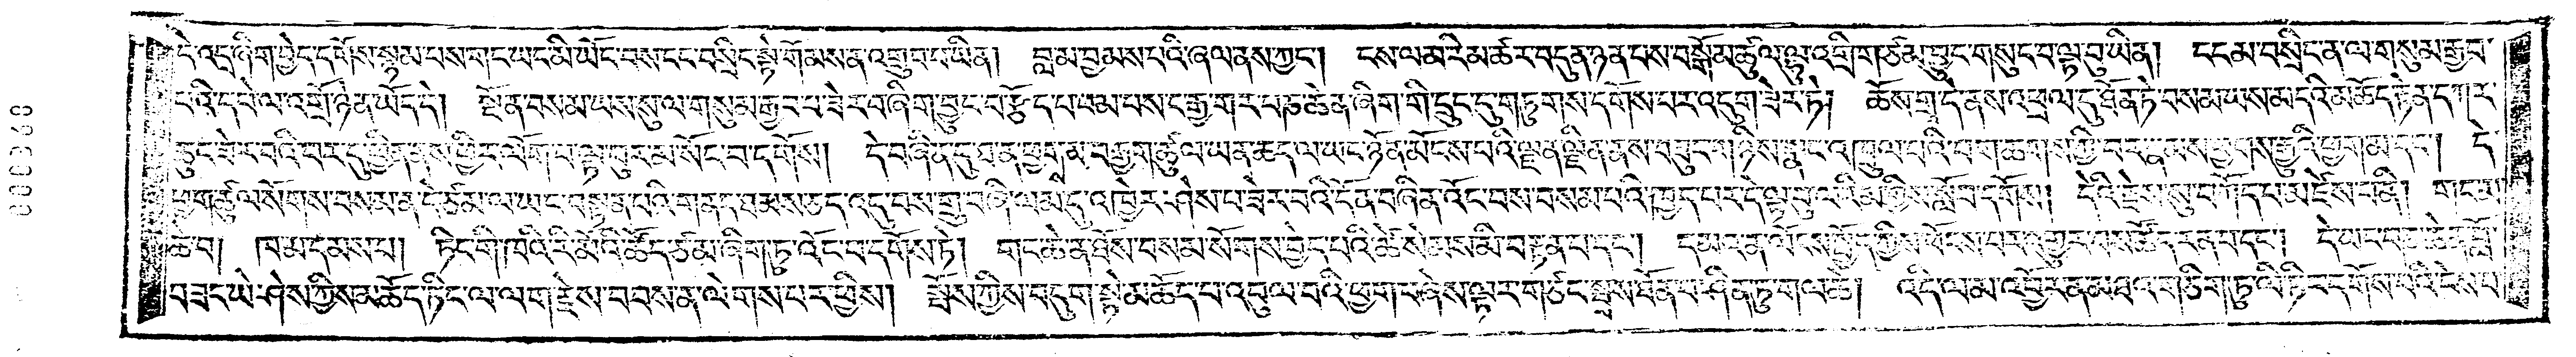དེ་འདྲ་ཞིག་བྱེད་དགོས་སྙམ་པས་གང་ཡང་མི་ཡོད་བྲས་དང་བསྲིང་སྟེ་གོམས་ན་འགྲུབ་པ་ཡིན། བླ་མ་བྱམས་པའི་ཞལ་ནས་ཀྱང་། ངས་ལམ་རིམ་ཚར་བདུན་ཉན་པས་བསྒོམ་ཚུལ་ལྷུ་འགྲིག་ཙམ་བྱུང་གསུང་བ་ལྟ་བུ་ཡིན། ངང་མ་བསྲིང་ན་ལ་གསུམ་རྒྱབ་
པའི་དཔེ་ལ་འགྲོ་ཉེན་ཡོད་དེ། སྔོན་བསམ་ཡས་སུ་ལ་གསུམ་རྒྱབ་པ་ཟེར་བ་ཞིག་བྱུང་བརྩོད་པ་ཕམ་པས་ང་རྒྱ་གར་པཎ་ཆེན་ཞིག་གི་དྲུང་དུ་གཏུགས་དགོས་པར་འདུག་ཟེར་ཏེ། ཆོས་གྲ་དེ་ནས་འཕྲལ་དུ་ཐོན་ཏེ་བསམ་ཡས་མདའི་མཆོད་རྟེན་དཀར་
ཆུང་ཟེར་བའི་བར་དུ་ཕྱིན་ནས་ཕྱིར་ལོག་པ་ལྟ་བུར་མ་སོང་བ་དགོས། དེ་བཞིན་དུ་ཐ་ན་ཕྱག་མ་བརྒྱག་ཚུལ་ཡན་ཆད་ལ་ཡང་ཉོན་མོངས་པའི་ལྗན་ལྗིན་ནས་བཟུང་གཉིས་སྣང་འཁྲུལ་པའི་བག་ཆགས་ཀྱི་བར་རྣམས་ཕྱགས་རྒྱུའི་ཕྱག་མ་དང་། དེ་
ཕྱག་ཚུལ་སོགས་བསམ་ན་དེ་ཙམ་ལ་ཡང་བསྟན་པའི་གནད་ཐམས་ཅད་འདུ་བས་གྲུབ་བཞི་ལམ་དུ་འཁྱེར་ཤེས་པ་ཟེར་བའི་དོན་བཞིན་འོང་བས་བསམ་པའི་ཁྱད་པར་དེ་ལྟ་བུ་ལ་རིམ་གྱིས་སློབ་དགོས། དེའི་རྗེས་སུ་བཀོད་པ་མཛེས་པ་ནི། གང་མ་
ཆེ་བ། ཁ་མ་དམས་པ། ཏིང་གི་ཁའི་རི་མོའི་ཚོད་ཙམ་ཞིག་ཏུ་འོང་བ་དགོས་ཏེ། གང་ཆེན་ཐོས་བསམ་སོགས་བྱེད་པའི་ཚེ་སེམས་མི་བརྟན་པ་དང་། དམའ་ན་ལོངས་སྤྱོད་ཀྱིས་ཕོངས་པར་འགྱུར་བས་ཚོད་རན་པ་དང་། དེ་ཡང་པཎ་ཆེན་བློ་
བཟང་ཡེ་ཤེས་ཀྱིས་མཆོད་ཏིང་ལ་ལག་རྗེས་བབས་ན་ལེགས་པར་ཕྱིས། སྤོས་ཀྱིས་བདུག་སྟེ་མཆོད་པ་འབུལ་བའི་ཕྱག་བཞེས་ལྟར་གཙང་སྦྲས་ཐོན་པ་ཤིན་ཏུ་གལ་ཆེ། འདི་ལམ་འབྱོར་ན་མཐའ་གཅིག་ཏུ་ལི་ཏིང་དགོས་པའི་ངེས་པ་